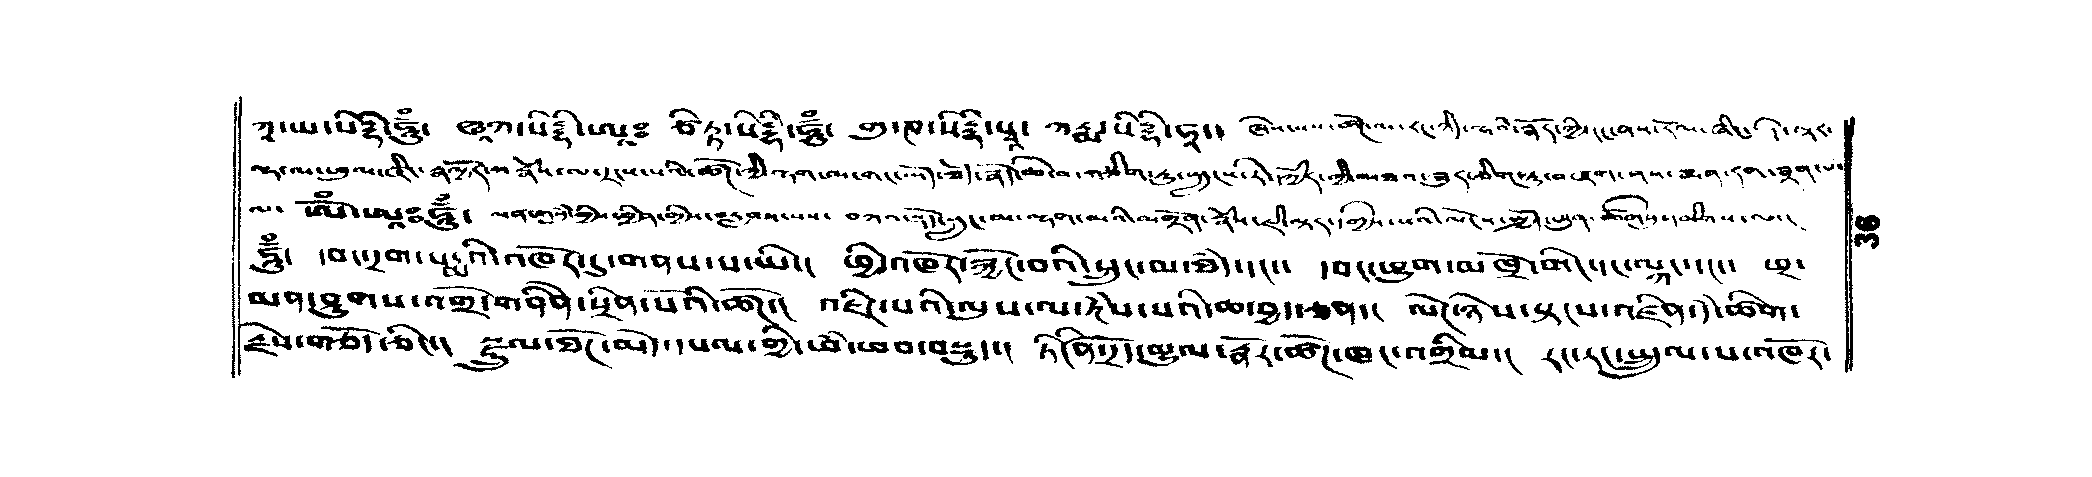ཀཱ་ཡ་སིདྡྷི། ཝཱཀ་སིདྡྷི་ཨཱཿ ཙིཏྟ་སིདྡྷི་ཧཱུྃ། གུ་ཎ་སིདྡྷི་སྭཱ། ཀརྨ་སིདྡྷི་ཧཱ། ཞེས་པས་ཚོགས་ལ་རང་ཉིད་ལྷའི་རྣལ་འབྱོར་གྱི་ངང་ནས་རོལ་ཞིང་། དེ་ལྟར་
ལྷ་ལ་ཕུལ་ཞིང་རྣལ་འབྱོར་པ་རྣམས་ལ་དྲངས་པའི་ཚོགས་ཀྱི་ལྷག་མ་གང་ཡོད་ཐོད་སྣོད་ཆེ་བ་གཅིག་ཏུ་སྤུངས་ཏེ་དཀྱིལ་འཁོར་གྱི་མཐའ་བུར་གཅིག་ཏུ་བཞག་ནས་སྨན་རག་སྦྲན་པ་
ལ། ཨོྃ་ཨཱ་ཧཱུྃ། ལན་གསུམ་གྱི་བྱིན་གྱིས་བརླབསཔས། བཀའ་སྡོད་སྲུང་མ་ལྷག་མའི་མགྲོན་རྣམས་ཇི་ལྟར་དགྱེས་པའི་ལོངས་སྤྱོད་ཕུན་ཚོགས་སུ་དམིགས་ལ། 
ཧཱུྃ། དབང་དྲག་པདྨའི་འཁོར་དུ་གནས་པ་ཡི། །ཕྱི་འཁོར་སྐྱོང་བའི་སྲུང་མ་ཐམས་ཅད་དང་། །དབང་ཕྱུག་མཁའ་འགྲོ་གིང་དང་ལངྐ་དང་། །ཕྲ་
མན་ཤུགས་འགྲོ་གཤིན་རྗེ་སྲིན་པོའི་ཚོགས། །འཇིགས་པའི་ལུས་ལ་རྔམས་པའི་ཆ་བྱད་ཅན། །ལེགས་ཉེས་སྟངས་འཛིན་དམ་ཚིག་
རྗེས་གཅོད་ཅིང་། །རྫུ་འཕྲུལ་ཐོགས་མེད་དཔལ་གྱི་ཕམ་ཕབ་བསྡུད། །ཏིང་འཛིན་དྲོད་མྱུལ་རྣལ་འབྱོར་ཚོགས་ཁང་འགྲིམ། །རང་རང་སྤྲུལ་པ་འཁོར་